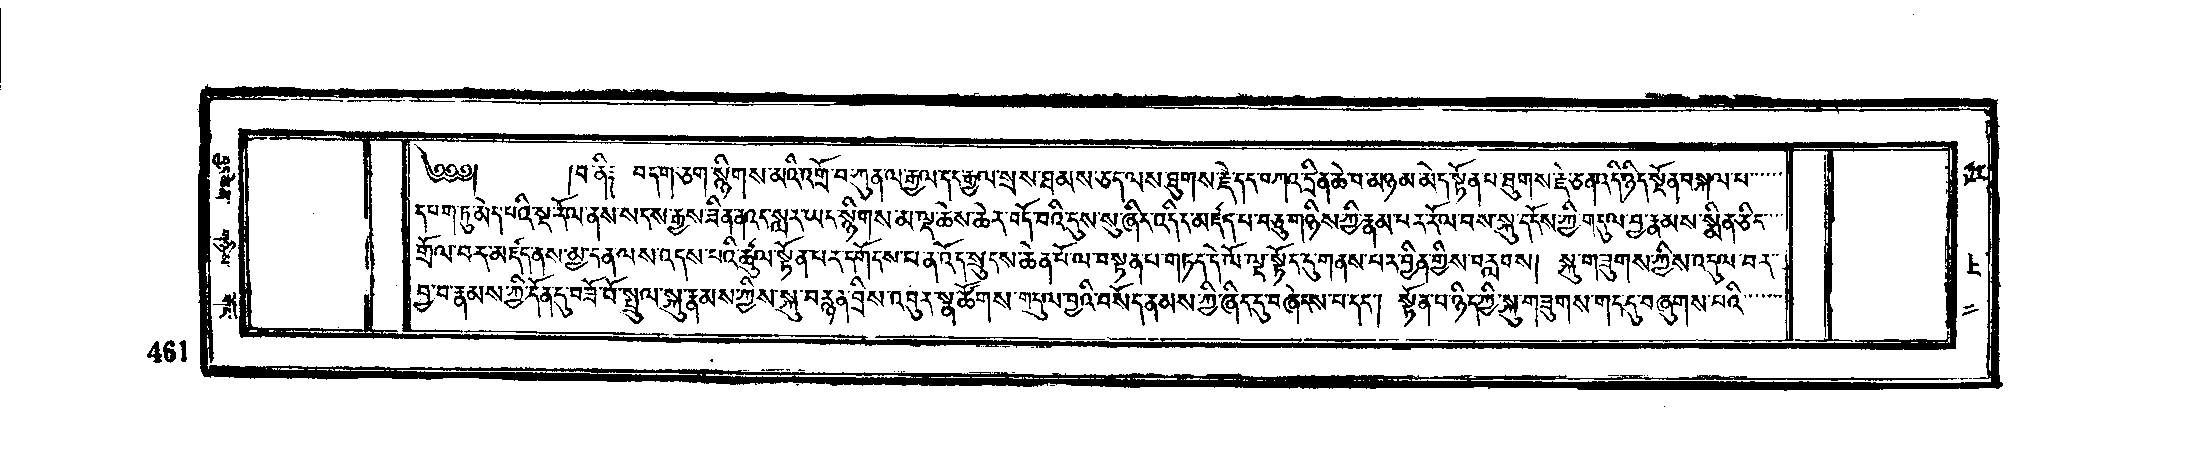༄༅༅། །བ་ནི༑ བདག་ཅག་སྙིགས་མའི་འགྲོ་བ་ཀུན་ལ་རྒྱལ་དང་རྒྱལ་སྲས་ཐམས་ཅད་ལས་ཐུགས་རྗེ་དང་བཀའ་དྲིན་ཆེ་བ་མཉམ་མེད་སྟོན་པ་ཐུགས་རྗེ་ཅན་འདི་ཉིད་སྔོན་བསྐལ་པ་
དཔག་ཏུ་མེད་པའི་སྔ་རོལ་ནས་སངས་རྒྱས་ཟིན་ནའང་སླར་ཡང་སྙིགས་མ་ལྔ་ཆེས་ཆེར་བདོ་བའི་དུས་སུ་ཞིང་འདིར་མཛད་པ་བཅུ་གཉིས་ཀྱི་རྣམ་པར་རོལ་བས་སྐུ་དངོས་ཀྱི་གདུལ་བྱ་རྣམས་སྨིན་ཅིང་
གྲོལ་བར་མཛད་ནས་མྱ་ངན་ལས་འདས་པའི་ཚུལ་སྟོན་པར་དགོངས་པ་ན་འོད་སྲུངས་ཆེན་པོ་ལ་བསྟན་པ་གཏད་དེ་ལོ་ལྔ་སྟོང་དུ་གནས་པར་བྱིན་གྱིས་བརླབས། སྐུ་གཟུགས་ཀྱིས་འདུལ་བར་
བྱ་བ་རྣམས་ཀྱི་དོན་དུ་བཟོ་བོ་སྤྲུལ་སྐུ་རྣམས་ཀྱིས་སྐུ་བརྙན་བྲིས་འབུར་སྣ་ཚོགས་གདུལ་བྱའི་བསོད་ནམས་ཀྱི་ཞིང་དུ་བཞེངས་པ་དང་། སྟོན་པ་ཉིད་ཀྱི་སྐུ་གཟུགས་གང་དུ་བཞུགས་པའི་